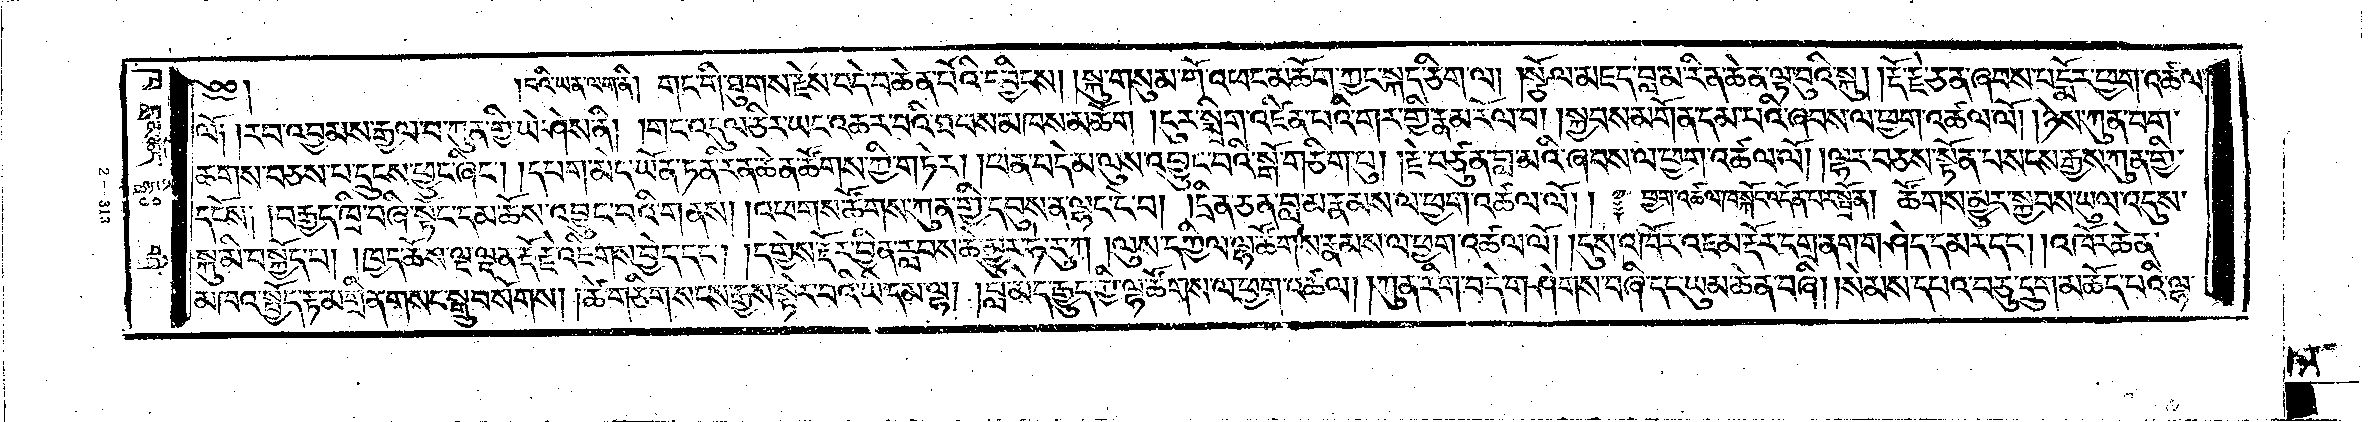༄༅། །བའི་ཡན་ལག་ནི། གང་གི་ཐུགས་རྗེས་བདེ་བ་ཆེན་པོའི་དབྱིངས། །སྐུ་གསུམ་གོ་འཕང་མཆོག་ཀྱང་སྐད་ཅིག་ལ། །སྩོལ་མཇད་བླ་མ་རིན་ཆེན་ལྟ་བུའི་སྐུ། །རྡོ་རྗེ་ཅན་ཞབས་པདམོར་ཕྱག་འཚལ་
ལོ༑ །རབ་འབྱམས་རྒྱལ་བ་ཀུན་གྱི་ཡེ་ཤེས་ནི། །གང་འདུལ་ཅིར་ཡང་འཆར་བའི་ཐབས་མཁས་མཆོག །དུར་སྨྲིག་འཛིན་པའི་གར་གྱི་རྣམ་རོལ་བ། །སྐྱབས་མགོན་དམ་པའི་ཞབས་ལ་ཕྱག་འཚལ་ལོ། །ཉེས་ཀུན་བག་
ཆགས་བཅས་པ་དྲུངས་ཕྱུང་ཞིང་། །དཔག་མེད་ཡོན་ཏན་རིན་ཆེན་ཚོགས་ཀྱི་གཏེར། །ཕན་བདེ་མ་ལུས་འབྱུང་བའི་སྒོ་གཅིག་པུ། །རྗེ་བཙུན་བླ་མའི་ཞབས་ལ་ཕྱག་འཚལ་ལོ། །ལྷར་བཅས་སྟོན་པ་སངས་རྒྱས་ཀུན་གྱི་
དངོས༑ །བརྒྱད་ཁྲི་བཞི་སྟོང་དམ་ཆོས་འབྱུང་བའི་གནས། །འཕགས་ཚོགས་ཀུན་གྱི་དབུས་ན་ལྷང་ངེ་བ། །དྲིན་ཅན་བླ་མ་རྣམས་ལ་ཕྱག་འཚལ་ལོ། །༈ ཕྱག་འཚལ་ཁ་སྐོང་འདོན་པར་སྤྲོན།  ཚོགས་མྱུར་སྐྱབས་ཡུལ་འདུས་
སྐུ་མི་བསྐྱོད་པ། །ཁྱད་ཆོས་ལྔ་ལྡན་རྡོ་རྗེ་འཇིགས་བྱེད་དང་། །དགྱེས་རྡོར་བྱིན་རླབས་ཆེ་མྱུར་ཧེ་རུ་ཀ །ལུས་དཀྱིལ་ལྷ་ཚོགས་རྣམས་ལ་ཕྱག་འཚལ་ལོ། །དུས་འཁོར་འཇམ་རྡོར་དགྲ་ནག་གཤེད་དམར་དང་། །འཁོར་ཆེན་
མཁའ་སྤྱོད་རྟ་མགྲིན་གསང་སྒྲུབ་སོགས། །ཚེ་གཅིག་སངས་རྒྱས་སྟེར་བའི་ཡི་དམ་ལྷ། །བླ་མེད་རྒྱུད་ཀྱི་ལྷ་ཚོགས་ལ་ཕྱག་འཚལ། །ཀུན་རིག་བདེ་གཤེགས་བཞི་དང་ཡུམ་ཆེན་བཞི། །སེམས་དཔའ་བཅུ་དྲུག་མཆོད་པའི་ལྷ་